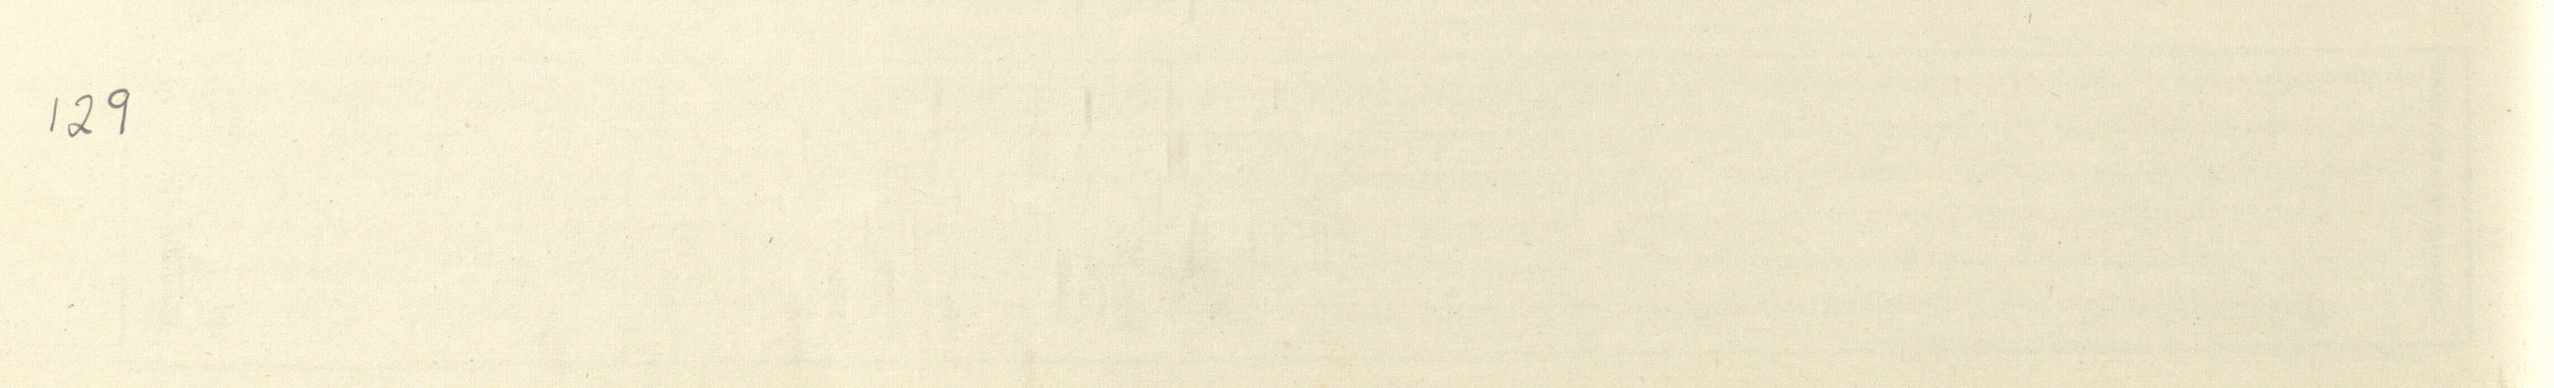༄༅། །ལུགས་ལ་སྒྲ་མ་འཁྲུལ་བའི་ཚད་མའི་རྙེད་དོན་དང་། ཐལ་འགྱུར་བའི་ལུགས་ལ་སྒྲ་འཁྲུལ་བའི་ཚད་མའི་རྙེད་དོན་ཡིན་པ་ལ་ཐུག་ཚུལ་སོགས་ཀྱི་རྒྱུ་མཚན་གསལ་ལ་འདྲིལ་ཞིང་མདོར་བསྡུས་པ་ཞིག་ཞུས་པས། ཕྱག་
ཐལ་མོ་སྦྱར་ནས་གོ་བདེ་པོ་བྱུང་ཞེས་མཉེས་མཉེས་མཛད། ཡང་ཁོང་གིས། ཚིག་གསལ་ན་ཐལ་འགྱུར་བ་དང་དངོས་སྨྲ་བ་གཉིས་སྒྲ་བདེན་པར་ཡོད་མེད་རྩོད་ཚེ་ཆོས་ཅན་མཐུན་སྣང་བ་མི་སྲིད་གསུང་། དེ་ལ་ལེགས་ལྡན་གྱིས། རྒོལ་བ་དེ་གཉིས་
ཀྱིས་སྒྲ་བདེན་པར་ཡོད་མེད་རྩོད་ཚེ་ཆོས་ཅན་མཐུན་སྣང་བ་སྤྱི་ཙམ་དགོས་པའི་དཔེར། སངས་རྒྱས་པས། བྱེ་བྲག་པ་ལ། སྒྲ་མི་རྟག་པར་དམ་བཅས་ནས་སྒྲུབ་པའི་ཚེ། རྒོལ་བ་དེ་གཉིས་ཀྱིས་འདོད་པའི་ཁྱད་པར་དོར་བའི་ཆོས་ཅན་སྤྱི་ཙམ་
མཐུན་སྣང་བ་འཛིན་པ་དང་། བྱེ་བྲག་པས། གཅེར་བུ་པ་ལ་སྒྲ་མི་རྟག་པར་སྒྲུབ་པའི་ཚེ་དེ་ལྟར་མཐུན་སྣང་བ་དགོས་པ་བཞིན་ཞེས་བཀོད་པ་ལ་ཐལ་འགྱུར་བ་རྣམས་ཀྱིས་ལན་ཇི་ལྟར་འདེབས་གསུངས་པས། ཟླ་གྲགས་ལུགས་ལ་དཔེ་དོན་མི་འདྲ།
ཐལ་འགྱུར་བ་དང་། དངོས་སྨྲ་བ་གཉིས་དེ་ལྟར་རྩོད་ཚོ་ཆོས་ཅན་མཐུན་སྣང་བ་མེད་ཀྱང་། བྱེ་བྲག་པ་དང་སངས་རྒྱས་པ་གཉིས། སྒྲ་རྟག་མི་རྟག་རྩོད་ཚེ་ཆོས་ཅན་མཐུན་སྣང་བ་སྤྱི་ཙམ་ཞིག་བཟུང་དུ་ཡོད་ལ། རྩོད་ཚེ་རྒོལ་བ་དེ་ལ་ཆོས་ཅན་མཐུན་
སྣང་བ་རུང་བར་ཚིག་གསལ་ལས་བཤད་ཞུས་པས། ཐུགས་ཤིན་ཏུ་དགྱེས་ནས་དེ་ཡིན་པར་འདུག་གསུང་། རྗེ་འདིས་རྒྱུད་ཆེན་ལ། ཁྱེད་ཀྱིས་མཚན་ཉིད་མཁས་པོ་དེ་འདྲ་གང་དུ་བསླབ་ཞུས་པར། བདག་མཚན་ཉིད་ཀྱི་ཆོས་གྲྭལ་མ་སོང་། འོན་ཀྱང་